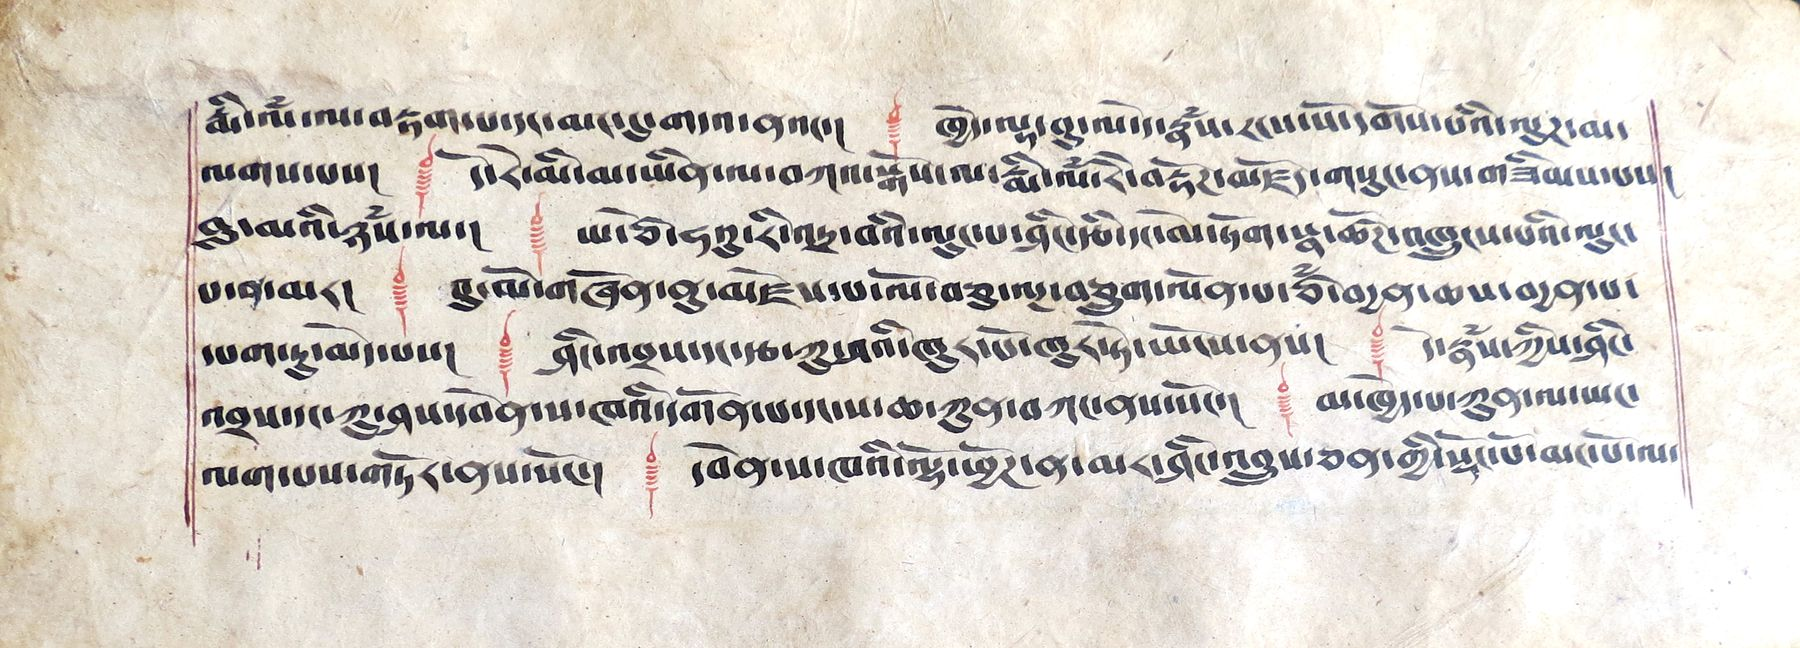རྨི་ལམ་ལ་བརྟག་པ་དང་མང་དུ་གདའ་ན་ཡང་། ཁྱེད་ལྟ་བུ་ལ་དེ་རྣམས་རངས་པོད་དགོས་པའི་ལུགས་མ་
ལགས་པས། དོ་རེད་མི་མ་ཡིན་ལ་བཀའ་བསྒོས་ལ་རྨི་ལམ་རེ་རེ་རྟོགས་མཛོད་གསུང་ནས་གཟིམས་པས། 
བླ་མའི་ཉམས་ལ་ཡ་རྩེ་ཧ་འུ་རི་འདྲ་བའི་ལུང་པ་ཤིང་རྩི་དང་མེ་ཏོག་སྣ་ཚོགས་འཁྲུངས་པའི་ལུང་
པ་ཞིག་ན་མར། བུ་མོ་གཞོན་ཏུ་མཛེས་པ་ལོ་བཅོ་ལྔ་བཅུ་དྲུག་ལོན་པ་ཙམ། རྒྱན་ཆས་བརྒྱན་པ་
དཔག་ཏུ་མེད་པས་ཤིང་འབྲས་དང་རྩ་ཀུ་ཤའི་ཁུར་པོ་ཁུར་ཏེ་ཡོང་ནས། དེ་རྣམས་ཀྱིས་ཤིང་
འབྲས་དང་ཀུ་ཤས་དབེན་ས་ཁའི་དགོན་པ་དང་ས་ཆ་ཀུན་བཀང་ནས་སོང་། མ་ཁྱབ་པ་ཀུན་ལ་ཡང་
ལག་པས་གཏོར་ནས་སོང་། དབེན་ས་ཁའི་ལྷོ་ཕྱོགས་ན་མར། ཤིང་འབྲས་བུ་ཅན་གྱི་སྡོང་པོ་མང་པོ་ལ་